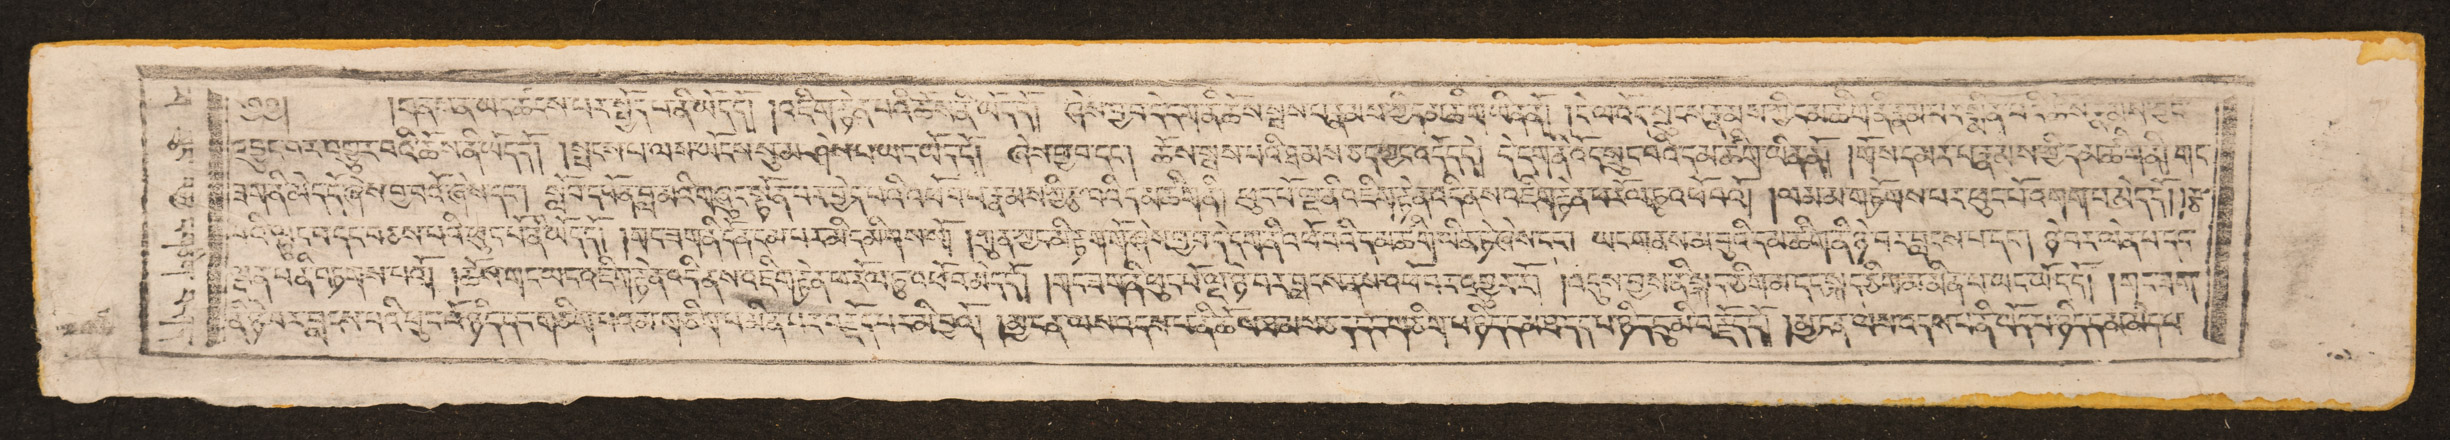༄༅། །གནས་ན་ཡང་ཚངས་པར་སྤྱོད་པ་ནི་ཡོད་དོ། །འཇིག་རྟེན་པའི་ཆོས་ནི་ཡོད་དོ། ཞེས་བྱ་བ་དེ་དག་ནི་ཆོས་སྦས་བ་རྣམས་ཀྱི་དམ་ཚིག་ཡིན་ནོ། །དེ་ལ་འོད་སྲུངས་རྣམས་ཀྱི་དམ་ཚིག་ནི་རྣམ་པར་སྨིན་པའི་ཆོས་རྣམས་ཀྱང་
འབྱུང་བར་འགྱུར་བའི་ཆོས་ནི་ཡོད་དོ། །སྤངས་པ་ལས་ཡོངས་སུ་མ་ཤེས་པ་ཡང་ཡོད་དོ། ཞེས་བྱ་བ་དང་། ཆོས་སྤས་པའི་ཐམས་ཅད་ཀྱང་འདོད་དེ། དེ་དག་ནི་འོད་སྲུང་བའི་དམ་ཚིག་ཡིན་ནོ། །གོས་དམར་པ་རྣམས་ཀྱི་དམ་ཚིག་ནི། གང་
ཟག་ནི་མེད་དོ་ཞེས་བྱ་པའོ་ཞེས་དང་། སློབ་དཔོན་བླ་མའི་གཞུང་སྟོན་པར་བྱེད་པའི་འཕོབ་པ་རྣམས་ཀྱི་རྩ་བའི་དམ་ཚིག་ནི། ཕུང་པོ་ལྔ་ནི་འཇིག་རྟེན་འདི་ནས་འཇིག་རྟེན་ཕ་རོལ་ཏུ་འཕོ་བའོ། །ལམ་མ་གཏོགས་པར་ཕུང་པོ་འགག་པ་མེད་དོ། །རྩ་
བའི་ལྟུང་བ་དང་བཅས་པའི་ཕུང་པོ་ནི་ཡོད་དོ། །གང་ཟག་ནི་དོན་དམ་པར་མི་དམིགས་སོ། །ཀུན་ཀྱང་མི་རྟག་གོ་ཞེས་བྱ་བ་དེ་དག་ནི་འཕོ་བའི་དམ་ཚིག་ཡིན་ཏེ་ཞེས་དང་། ཡང་གནས་མ་བུའི་དམ་ཚིག་ནི་ཉེ་བར་བླངས་པ་དང་། ཉེ་བར་ལེན་པ་དང་
ལྡན་པ་ནི་བཏགས་པའོ། །ཆོས་གང་ཡང་འཇིག་རྟེན་འདི་ནས་འཇིག་རྟེན་ཕ་རོལ་ཏུ་འཕོ་བ་མེད་དོ། །གང་ཟག་ནི་ཕུང་བོ་ལྔ་ཉེ་བར་བླངས་ནས་འཕོ་བར་འགྱུར་རོ། །འདུས་བྱས་ནི་སྐད་ཅིག་མ་དང་སྐད་ཅིག་མ་མིན་པ་ཡང་ཡོད་དོ། །གང་ཟག་
ནི་ཉེ་པར་བླངས་པའི་ཕུང་པོ་ཉིད་དང་གཅིག་བ་འམ་གཅིག་པ་མིན་པར་བརྗོད་པར་མི་བྱའོ། །མྱ་ངན་ལས་འདས་པ་ནི་ཆོས་ཐམས་ཅད་དང་གཅིག་པ་ཉིད་དམ་ཐ་དད་པ་ཉིད་དུ་མི་བརྗོད་དོ། །མྱ་ངན་ལས་འདས་པ་ནི་ཡོད་པ་ཉིད་དམ་མེད་པ་